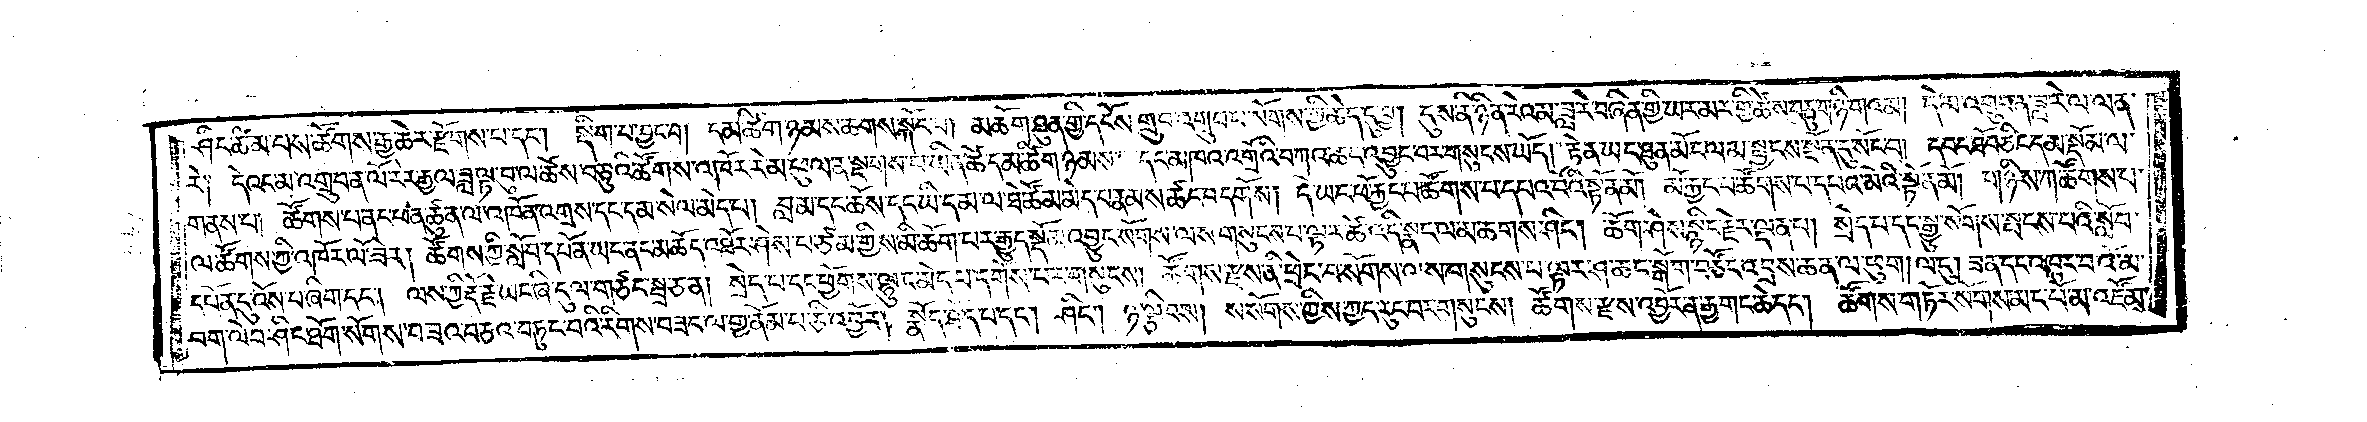ཤིང་ཚིམ་པས་ཚོགས་རྒྱ་ཆེར་རྫོགས་པ་དང་། སྡིག་པ་བྱང་བ། དམ་ཚིག་ཉམས་ཆགས་སྐོང་བ། མཆོག་ཐུན་གྱི་དངོས་གྲུབ་འགྲུབ་པ་སོགས་ཀྱི་ཆེད་དུ་བྱ། དུས་ནི་ཉིན་རེའམ་ཟླ་རེ་བཞིན་གྱི་ཡར་མར་གྱི་ཚེས་བཅུ་གཉི་གའམ། དེ་མ་འགྲུབ་ན་ཟླ་རེ་ལ་ལན་
རེ༑ དེའང་མ་འགྲུབ་ན་ལོ་རེར་རྒྱལ་ཟླ་ལྟ་བུ་ལ་ཚེས་བཅུའི་ཚོགས་འཁོར་རེ་མ་ཕུལ་ན་སྔགས་པ་ཡིན་ཚེ་དམ་ཚིག་ཉམས་པ་དང་མཁའ་འགྲོའི་བཀའ་ཆད་འབྱུང་བར་གསུངས་ཡོད། རྟེན་ཡང་ཐུན་མོང་ལམ་སྦྱངས་སྔོན་དུ་སོང་བ། དབང་ཐོབ་ཅིང་དམ་སྡོམ་ལ་
གནས་པ། ཚོགས་པ་ནང་ཕན་ཚུན་ལ་འཁོན་འགྲས་དང་དམ་སེལ་མེད་པ། བླ་མ་དང་ཆོས་དང་ཡི་དམ་ལ་ཐེ་ཚོམ་མེད་པ་རྣམས་ཚང་བ་དགོས། དེ་ཡང་ཕོ་རྐྱང་པ་ཚོགས་པ་དཔའ་བོའི་སྟོན་མོ། མོ་རྐྱང་པ་ཚོགས་པ་དཔའ་མོའི་སྟོན་མོ། གཉིས་ཀ་ཚོགས་པ་
ལ་ཚོགས་ཀྱི་འཁོར་ལོ་ཟེར། ཚོགས་ཀྱི་སློབ་དཔོན་ཡང་ནང་མཆོད་འཐོར་ཤེས་པ་ཙམ་གྱིས་མི་ཆོག་པར་རྒྱུད་སྡོམ་འབྱུང་སོགས་ལས་གསུངས་པ་ལྟར་ཚེ་འདི་སྣང་ལ་མ་ཆགས་ཤིང་། ཆོག་ཤེས་སྙིང་རྗེར་ལྡན་པ། སྲེད་པ་དང་སྒྱུ་སོགས་སྤངས་པའི་སློབ་
དཔོན་དུ་འོས་པ་ཞིག་དང་། ལས་ཀྱི་རྡོ་རྗེ་ཡང་ཞི་དུལ་གཙང་སྤྲ་ཅན། སྲེད་པ་དང་ཕྱོགས་ལྷུང་མེད་པ་དགོས་པར་གསུངས། ཚོགས་རྫས་ནི་ཕྲེང་བ་སོགས་ལས་གསུངས་པ་ལྟར་ཤ་ཆང་སྒོག་བཙོང་འབྲས་ཆ་ན་ལ་ཕུག །ལ་དུ། ཟན་དང་འཁུར་བ་འོ་མ་
བག་ལེབ་ཤིང་ཐོག་སོགས་བཟའ་བཅའ་བཏུང་བའི་རིགས་བཟང་ལ་གྱ་ནོམ་པ་ཅི་འབྱོར། སྣོད་ཐོད་པ་དང་། ཤིང་། ཉ་ལྕིབས། ས་སོགས་ཀྱིས་ཀྱང་རུང་བར་གསུངས། ཚོགས་རྫས་འབྱོར་ན་རྒྱ་གང་ཆེ་དང་། ཚོགས་གཏོར་སོགས་མང་པོ་མ་འཛོམས་